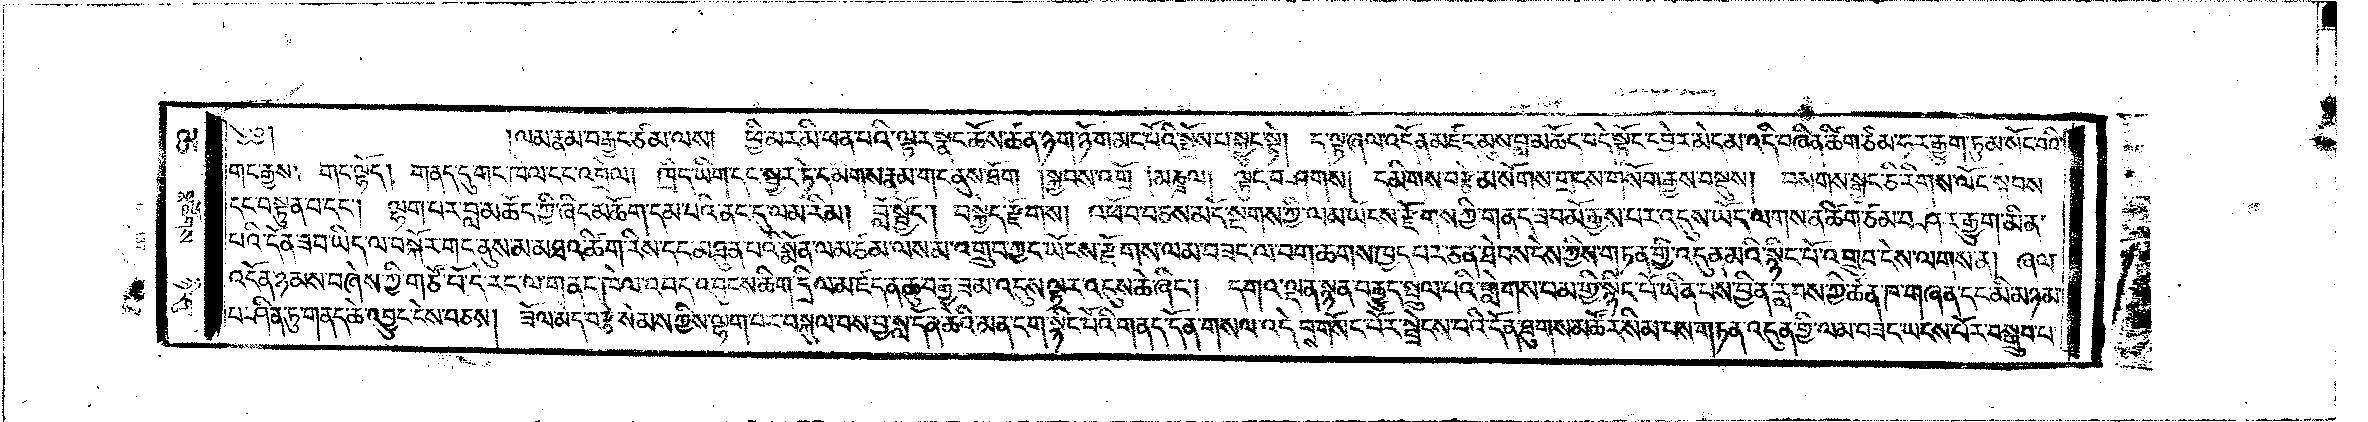༄༅། །ལམ་རྣམ་བརྒྱད་ཙམ་ལས། ཕྱི་མར་མི་ཕན་པའི་ལྟར་སྣང་ཆོས་ཚན་ཉག་ཉོག་མང་པོའི་སྤྲོས་པ་སྐྱུང་སྟེ། ད་ལྟ་ཞལ་འདོན་མཛད་མུས་བླ་མཆོད་བདེ་སྟོང་དབྱེར་མེད་མ་འདི་བཞིན་ཚིག་ཙམ་ཧར་རྒྱུག་ཏུ་མ་སོང་བའི་
གང་རྒྱས། གང་ལྷོད། གནད་དུ་གང་ཁེལ་དང་འབྲེལ། ཁྲིད་ཡིག་དང་སྦྱར་ཏེ་དམིགས་རྣམ་གང་ནུས་ཐོག །སྐྱབས་འགྲོ་།མཎྜལ། ལྟུང་བཤགས། དམིགས་བརྩེ་མ་སོགས་གྲངས་གསོག་རྒྱས་བསྡུས། བསགས་སྒྱང་ཅི་རིགས་ལོང་སྐབས་
དང་བསྟུན་བ་དང་། ལྷག་པར་བླ་མཆོད་ཀྱི་ཞིང་མཆོག་དམ་པའི་ནང་དུ་ལམ་རིམ། བློ་སྦྱོང་། བསྐྱེད་རྫོགས། འཕོ་བ་བཅས་མདོ་སྔགས་ཀྱི་ལམ་ཡོངས་རྫོགས་ཀྱི་གནད་ཟབ་མོ་རྒྱས་པར་འདུས་ཡོད་ལགས་ན་ཚིག་ཙམ་བཤར་རྒྱུག་མིན་
པའི་དོན་ཟབ་ཡིད་ལ་བསྐོར་གང་ནུས་མ་མཐའ་ཚིག་རིས་དང་མཐུན་པའི་སྨོན་ལམ་ཙམ་ལས་མ་འགྲུབ་ཀྱང་ཡོངས་རྫོགས་ལམ་བཟང་ལ་བག་ཆགས་ཁྱད་པར་ཅན་ཐེབས་ངེས་ཀྱིས་གཏན་གྱི་འདུན་མའི་སྙིང་པོ་འགྲུབ་ངེས་ལགས་ན། ཞལ་
འདོན་ཉམས་བཞེས་ཀྱི་གཙོ་བོ་དེ་རང་ལ་གནང་ཁེལ་འབད་འབུངས་ཆིག་དྲིལ་མཛད་ན་ཆུ་བརྒྱ་ཟམ་འདུས་ལྟར་འདུས་ཆེ་ཞིང་། དགའ་ལྡན་སྙན་བརྒྱུད་སྤྲུལ་པའི་གླེགས་བམ་གྱི་སྙིང་པོ་ཡིན་པས་བྱིན་རླབས་ཀྱི་ཚན་ཁ་གཞན་དང་མི་མཉམ་
པ་ཤིན་ཏུ་གནད་ཆེ་འབྱུང་ངེས་བཅས། ཟོལ་མེད་བརྩེ་སེམས་ཀྱིས་ལྷག་པར་བསྐུལ་བས་བྱ་སླ་དོན་ཆེའི་མན་ངག་སྙིང་པོའི་གནད་དོན་གསལ་འདེབས་གསོང་པོར་སྦྲེངས་པའི་དོན་ཐུགས་མཚོར་སིམ་པས་གཏན་འདུན་གྱི་ལམ་བཟང་ཡངས་པོར་བསྒྲུབ་པ་